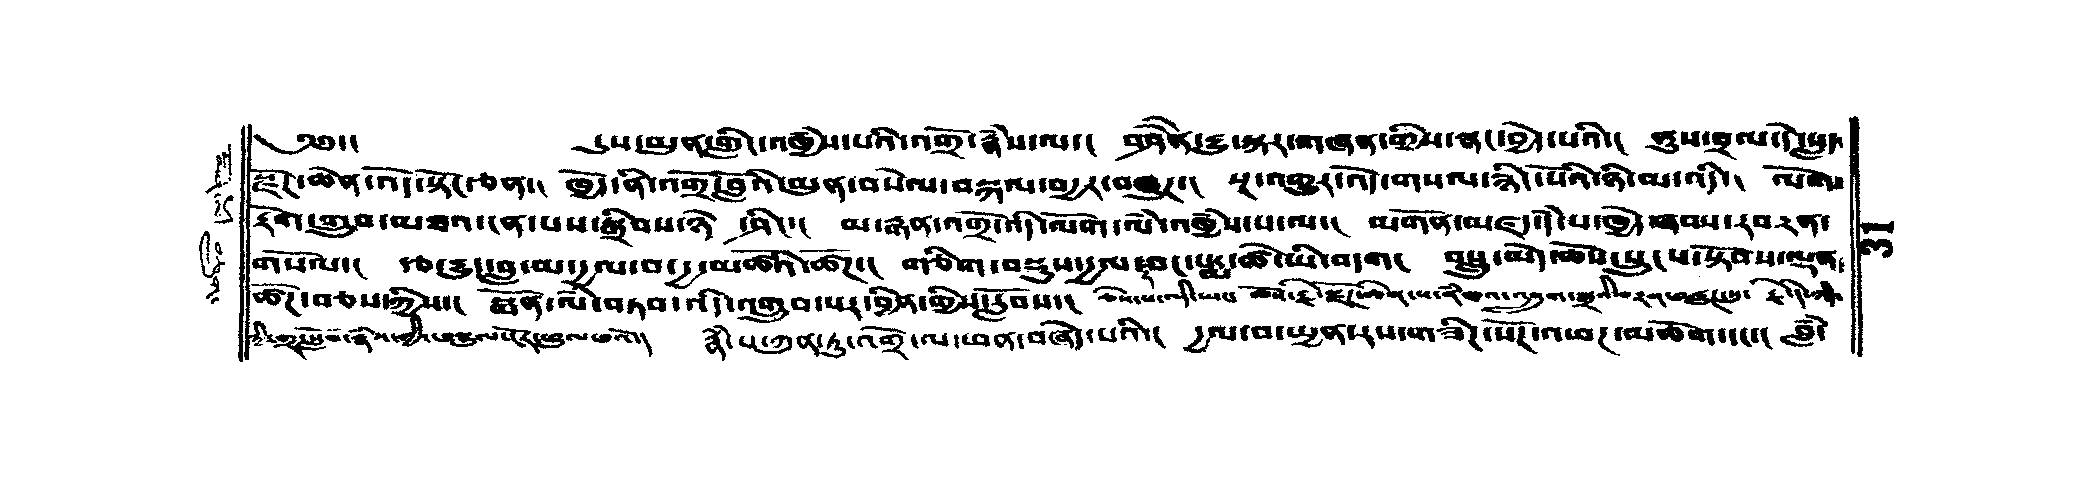དུས་མུན་གླིང་འཁྱམས་པའི་འགྲོ་རྣམས་ལ། །བཤེས་གཉེན་རྒྱུ་སྐར་གཞན་གྱིས་སྣང་བྱེད་པའི། །ནུས་བྲལ་དེ་སླད་
རྫོགས་ཆེན་འོད་སྟོང་ཅན། །ཁྱོད་ནི་འགྲོ་བློའི་མུན་སེལ་བསྐལ་བརྒྱར་བཞུགས། །སྔ་འགྱུར་འོད་གསལ་སྙིང་པོའི་ཉི་མ་འདི། །ལོག་
རྟོག་གྲུབ་མཐའ་ངན་པས་སྒྲིབས་ཉེ་ཤིང་། །མ་རྒན་འགྲོ་འདི་ལོག་ལམ་འཁྱམས་པ་ལ། །མགོན་མཛད་དམ་པ་ཁྱེད་ཞབས་རབ་བརྟན་
གསོལ། །རྩ་རྒྱུད་བླ་མ་རྒྱལ་བ་རྒྱ་མཚོའི་ཚོགས། །གཅིག་བསྡུས་རྒྱལ་དབང་པདྨ་ཚེ་ཡི་བདག །བསླུ་མེད་ཆོས་སྲུང་སྟོབས་ལྡན་
ཚོགས་བཅས་ཀྱིས། །སྨོན་ལམ་བཏབ་འདི་འགྲུབ་པར་བྱིན་གྱིས་རློབས། ཅེས་པ་འདི་ཡང་ཆོས་རྗེ་རྫོགས་ཆེན་པ་ནམ་མཁའ་འབྲུག་སྒྲའི་བརྟན་བཞུགས་སུ། རྗེ་དེ་ཉིད་
ཀྱི་གྲྭ་སློབ་རྣམས་ཀྱིས་བསྐུལ་ངོར་ཕུལ་བའོ།། རྣམ་པ་ཀུན་ཏུ་འགྲོ་ལ་ཕན་བཞེད་པའི། །རྒྱལ་བ་སྤྱན་རས་གཟིགས་སོགས་འཕགས་མཆོག་དང་། །བླ་མ་